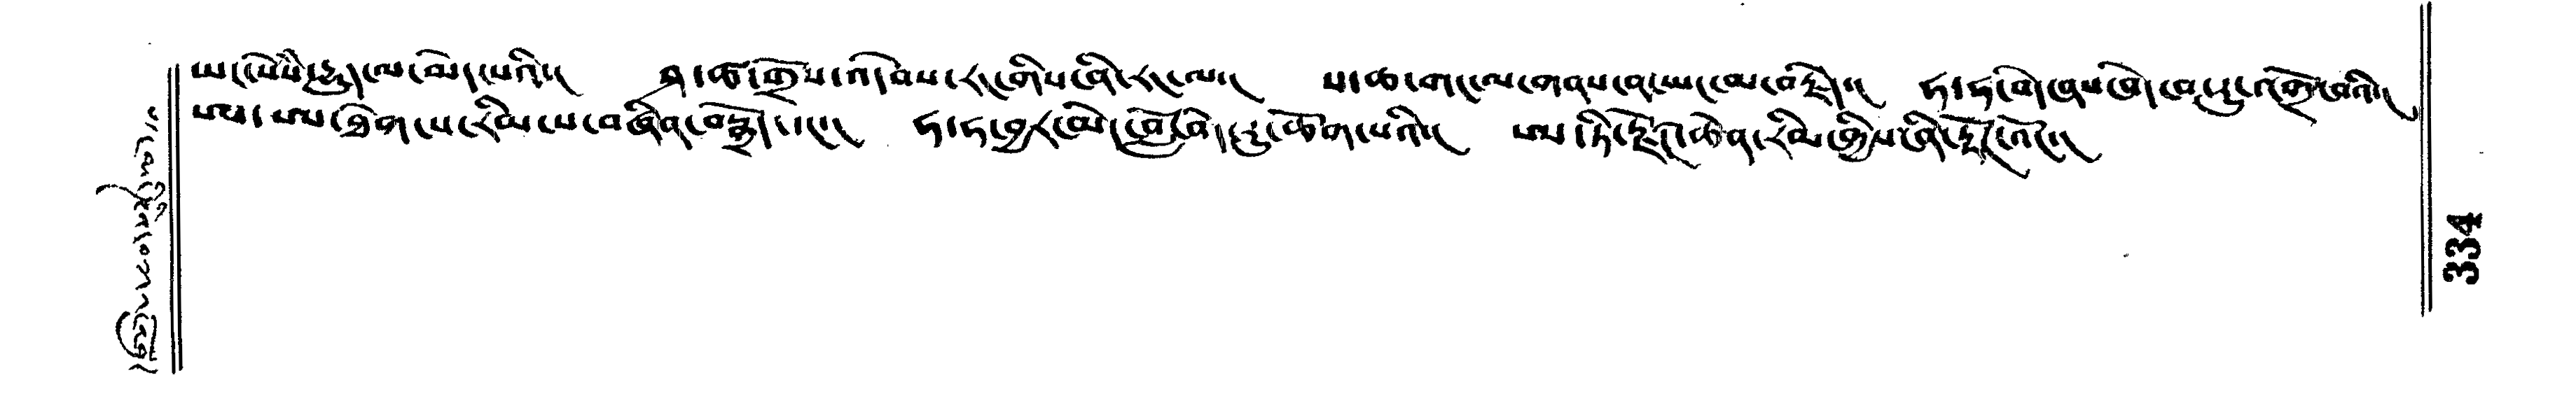ཡང་སེམས་རྒྱུད་ལ་མེད་པའི། །ཤ་ཚ་གྲོས་འདེབས་རང་གིས་ནི་རང་ལ། །ས་ཆ་གང་ལ་གནས་ན་ཡང་མ་བརྗེད། །ཧ་ཧ་བདེ་ནས་བདེ་བ་རུ་འགྲོ་བའི། །
ཨ་ཨ་ཐེག་པ་རིམ་པ་བཞིན་བགྲོད་དང་། །ཧ་ཧ་བྱར་མེད་བློ་བདེ་རུ་ཆོག་པའི། །ཨ་ཏི་རྫོགས་ཆེན་རིམ་གྱིས་ནི་རྟོགས་འོང་། དགེའོ།།